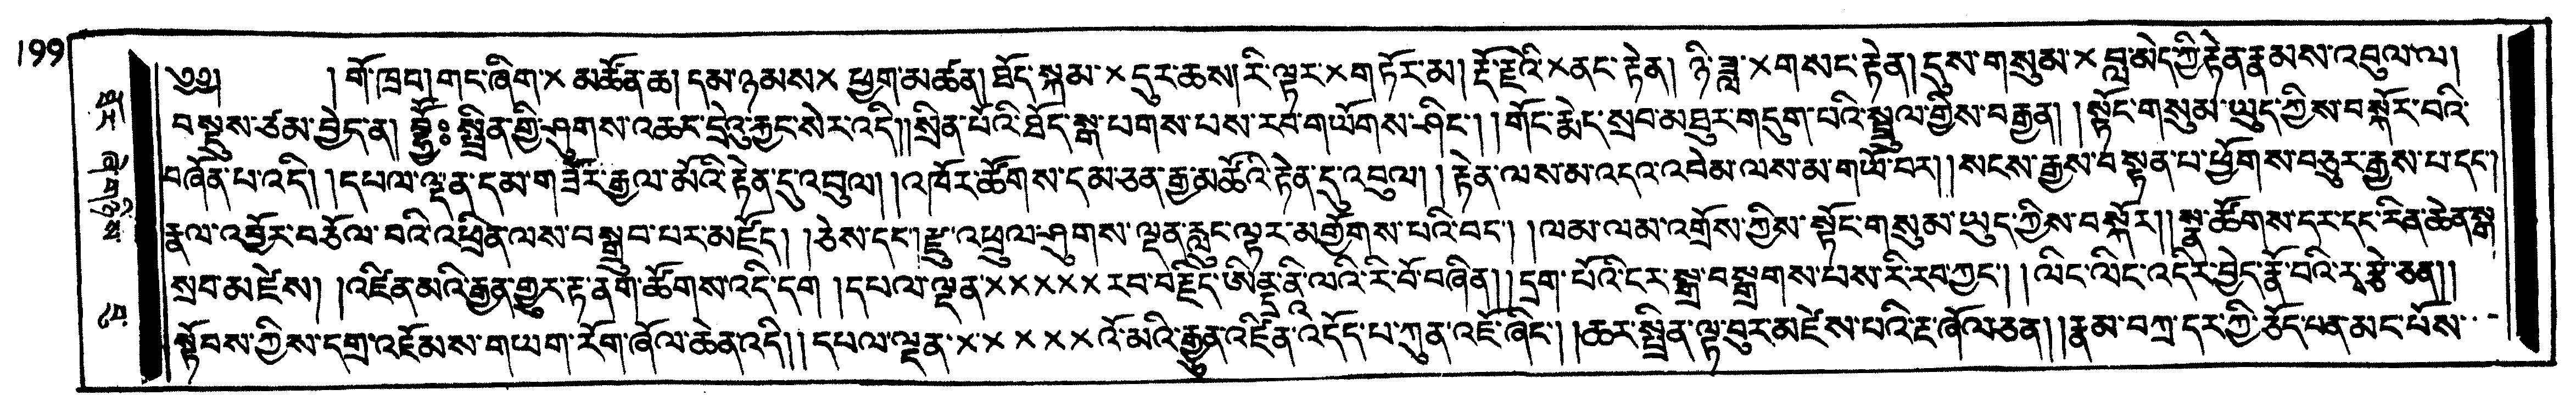༄༅། །གོ་ཁྲབ། གང་ཞིག་྾་མཚོན་ཆ། དམ་ཉམས་྾་ཕྱག་མཚན། ཐོད་སྐམ་྾་དུར་ཆས། རི་ལྟར་྾་གཏོར་མ། རྡོ་རྗེའི་྾་ནང་རྟེན། ཉི་ཟླ་྾་གསང་རྟེན། དུས་གསུམ་྾་བླ་མེད་ཀྱི་རྟེན་རྣམས་འབུལ་ལ།
བསྡུས་ཙམ་བྱེད་ན། བྷྱཽཿ སྤྲིན་གྱི་ཤུགས་འཆང་དྲེའུ་རྐྱང་སེར་འདི། །སྲིན་པོའི་ཐོད་སྒ་པགས་པས་རབ་གཡོགས་ཤིང་། །གོང་རྨེད་སྲབ་མཐུར་གདུག་པའི་སྤྲུལ་གྱིས་བརྒྱན། །སྟོང་གསུམ་ཡུད་ཀྱིས་བསྐོར་བའི་
བཞོན་པ་འདི། །དཔལ་ལྡན་དམ་གཟོར་རྒྱལ་མོའི་རྟེན་དུ་འབུལ། །འཁོར་ཚོགས་དམ་ཅན་རྒྱ་མཚོའི་རྟེན་དུ་འབུལ། །རྟེན་ལས་མ་འདའ་འབེམ་ལས་མ་གཡོ་བར། །སངས་རྒྱས་བསྟན་པ་ཕྱོགས་བཅུར་རྒྱས་པ་དང་།
རྣལ་འབྱོར་བཅོལ་བའི་འཕྲིན་ལས་བསྒྲུབ་པར་མཛོད། །ཅེས་དང་། རྫུ་འཕྲུལ་ཤུགས་ལྡན་རླུང་ལྟར་མགྱོགས་པའི་བང་། །ལམ་ལམ་འགྲོས་ཀྱིས་སྟོང་གསུམ་ཡུད་ཀྱིས་བསྐོར། །སྣ་ཚོགས་དར་དང་རིན་ཆེན་སྒ་
སྲབ་མཛེས། །འཛིན་མའི་རྒྱན་གྱུར་རྟ་ནག་ཚོགས་འདི་དག །དཔལ་ལྡན་྾྾྾྾྾་རབ་བརྗིད་ཨིནྡྲ་ནཱི་ལའི་རི་བོ་བཞིན། །དྲག་པོའི་ངར་སྒྲ་བསྒྲགས་པས་རི་རབ་ཀྱང་། །ལིང་ལིང་འདིར་བྱེད་རྣོ་བའི་རྭ་རྩེ་ཅན། །
སྟོབས་ཀྱིས་དགྲ་འཇོམས་གཡག་རོག་ཞོལ་ཆེན་འདི། །དཔལ་ལྡན་྾་྾྾྾྾་འོ་མའི་རྒྱུན་འཛིན་འདོད་པ་ཀུན་འཇོ་ཞིང་། །ཆར་སྤྲིན་ལྟ་བུར་མཛེས་པའི་རྔ་ཞོལ་ཅན། །རྣམ་བཀྲ་དར་ཀྱི་ཅོད་པན་མང་པོས་